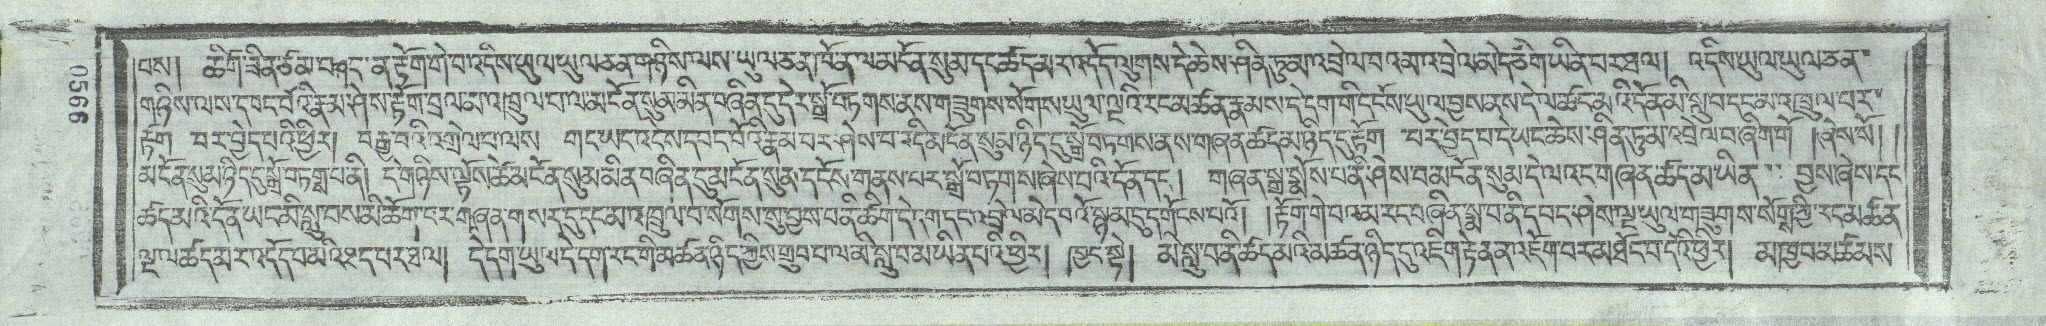བས། ཚིག་ཟིན་ཙམ་བཤད་ན་རྟོག་གེ་བ་འདིས་ཡུལ་ཡུལ་ཅན་གཉིས་ལས་ཡུལ་ཅན་ཁོ་ན་ལ་མངོན་སུམ་དང་ཚད་མར་འདོད་ལུགས་དེ་ཆེས་ཤིན་ཏུ་མ་འབྲེལ་བའམ་འབྲེལ་མེད་ཅིག་ཡིན་པར་ཐལ། འདིས་ཡུལ་ཡུལ་ཅན་
གཉིས་ལས་དབང་པོའི་རྣམ་ཤེས་རྟོག་བྲལ་མ་འཁྲུལ་པ་ལ་མངོན་སུམ་མིན་བཞིན་དུ་དེར་སྒྲོ་བཏགས་ནས་གཟུགས་སོགས་ཡུལ་ལྔའི་རང་མཚན་རྣམས་དེ་དག་གི་དངོས་ཡུལ་བྱས་ནས་དེ་ལ་ཚད་མའི་དོན་མི་སླུ་བ་དང་མ་འཁྲུལ་པར་
རྟོག་པར་བྱེད་པའི་ཕྱིར། བརྒྱ་བའི་འགྲེལ་བ་ལས། གང་ཡང་འདིས་དབང་པོའི་རྣམ་པར་ཤེས་པ་འདི་མངོན་སུམ་ཉིད་དུ་སྒྲོ་བཏགས་ནས་གཞན་ཚད་མ་ཉིད་དུ་རྟོག་པར་བྱེད་པ་དེ་ཡང་ཆེས་ཤིན་ཏུ་མ་འབྲེལ་བ་ཞིག་གོ །ཞེས་སོ། །
མངོན་སུམ་ཉིད་དུ་སྒྲོ་བཏགས་པ་ནི། དེ་གཉིས་ལྟོས་ཚེ་མངོན་སུམ་མིན་བཞིན་དུ་མངོན་སུམ་དངོས་གནས་པར་སྒྲོ་བཏགས་ཞེས་པའི་དོན་དང་། གཞན་སྒྲ་སྨོས་པ་ནི་ཤེས་བ་མངོན་སུམ་དེ་ལའང་གཞན་ཚད་མ་ཡིན་བྱས་ཞེས་དང་
ཚད་མའི་དོན་ཡང་མི་སླུ་བས་མི་ཆོག་བར་གཞན་གསར་དུ་འང་མ་འཁྲུལ་བ་སོགས་སུ་བྱས་པ་ནི་ཚིག་དེ་དག་དང་འབྲེལ་མེད་བའོ་སྙམ་དུ་དགོངས་པའོ། །རྟོག་གེ་བའམ་རང་བཞིན་སྨ་བ་ནི་དབང་ཤེས་ལྔ་ཡུལ་གཟུགས་སོགས་ཀྱི་རང་མཚན་
ལྔ་ལ་ཚད་མར་འདོད་པ་མི་འཐད་པར་ཐལ། དེ་དག་ཡུལ་དེ་དག་རང་གི་མཚན་ཉིད་ཀྱིས་གྲུབ་པ་ལ་མི་སླུ་བ་མ་ཡིན་པའི་ཕྱིར། ཁྱབ་སྟེ། མི་སླུ་བ་ནི་ཚད་མའི་མཚན་ཉིད་དུ་འཇིག་རྟེན་ན་འཇོག་པར་མཐོང་བ་དེའི་ཕྱིར། མ་ཁྱབ་མཚམས་